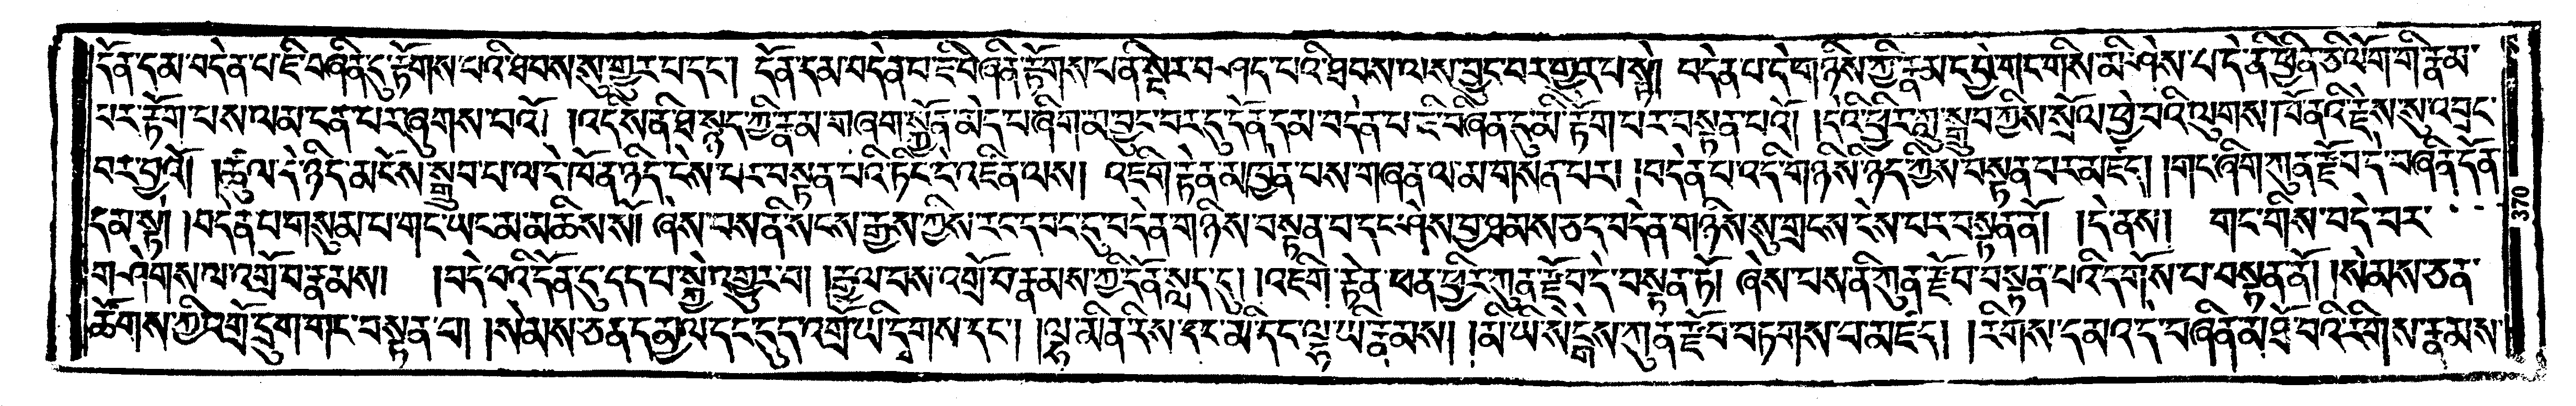དོན་དམ་བདེན་པ་ཇི་བཞིན་དུ་རྟོགས་པའི་ཐབས་སུ་གྱུར་པ་དང་། དོན་དམ་བདེན་པ་ཇི་བཞིན་རྟོགས་པ་ནི་སྔར་བཤད་པའི་ཐབས་ལས་བྱུང་བར་གྱུར་པ་སྟེ། བདེན་པ་དེ་གཉིས་ཀྱི་རྣམ་དབྱེ་གང་གིས་མི་ཤེས་པ་དེ་ནི་ཕྱིན་ཅི་ལོག་གི་རྣམ་
པར་རྟོག་པས་ལམ་ངན་པར་ཞུགས་པའོ། །འདིས་ནི་ཐ་སྙད་ཀྱི་རྣམ་གཞག་སྐྱོན་མེད་པ་ཞིག་མ་བྱུང་བར་དུ་དོན་དམ་བདེན་པ་ཇི་བཞིན་དུ་མི་རྟོག་པར་བསྟན་པའོ། །དེའི་ཕྱིར་ཀླུ་སྒྲུབ་ཀྱིས་སྲོལ་ཕྱེ་བའི་ལུགས་ཁོ་ནའི་རྗེས་སུ་འབྲང་
བར་བྱའོ། །ཚུལ་དེ་ཉིད་མདོས་སྒྲུབ་པ་ལ་དེ་ཁོ་ན་ཉིད་ངེས་པར་བསྟན་པའི་ཏིང་ངེ་འཛིན་ལས། འཇིག་རྟེན་མཁྱེན་པས་གཞན་ལ་མ་གསན་པར། །བདེན་པ་འདི་གཉིས་ཉིད་ཀྱིས་བསྟན་པར་མཛད། །གང་ཞིག་ཀུན་རྫོབ་དེ་བཞིན་དོན་
དམ་སྟེ། །བདེན་པ་གསུམ་པ་གང་ཡང་མ་མཆིས་སོ། ཞེས་པས་ནི་སངས་རྒྱས་ཀྱིས་རང་དབང་དུ་བདེན་གཉིས་བསྟན་པ་དང་ཤེས་བྱ་ཐམས་ཅད་བདེན་གཉིས་སུ་གྲངས་ངེས་པར་བསྟན་ནོ། །དེ་ནས། གང་གིས་བདེ་བར་
གཤེགས་ལ་འགྲོ་བ་རྣམས། །བདེ་བའི་དོན་དུ་དད་པ་སྐྱེ་འགྱུར་བ། །རྒྱལ་བས་འགྲོ་བ་རྣམས་ཀྱི་དོན་སླད་དུ། །འཇིག་རྟེན་ཕན་ཕྱིར་ཀུན་རྫོབ་དེ་བསྟན་ཏོ། ཞེས་པས་ནི་ཀུན་རྫོབ་བསྟན་པའི་དགོས་པ་བསྟན་ནོ། །སེམས་ཅན་
ཚོགས་ཀྱི་འགྲོ་དྲུག་གང་བསྟན་པ། །སེམས་ཅན་དམྱལ་དང་དུད་འགྲོ་ཡི་དྭགས་དང་། །ལྷ་མིན་རིས་དང་མི་དང་ལྷ་ཡི་རྣམས། །མི་ཡི་སེངྒེས་ཀུན་རྫོབ་བཏགས་པ་མཛད། །རིགས་དམའ་དེ་བཞིན་མཐོ་བའི་རིགས་རྣམས་